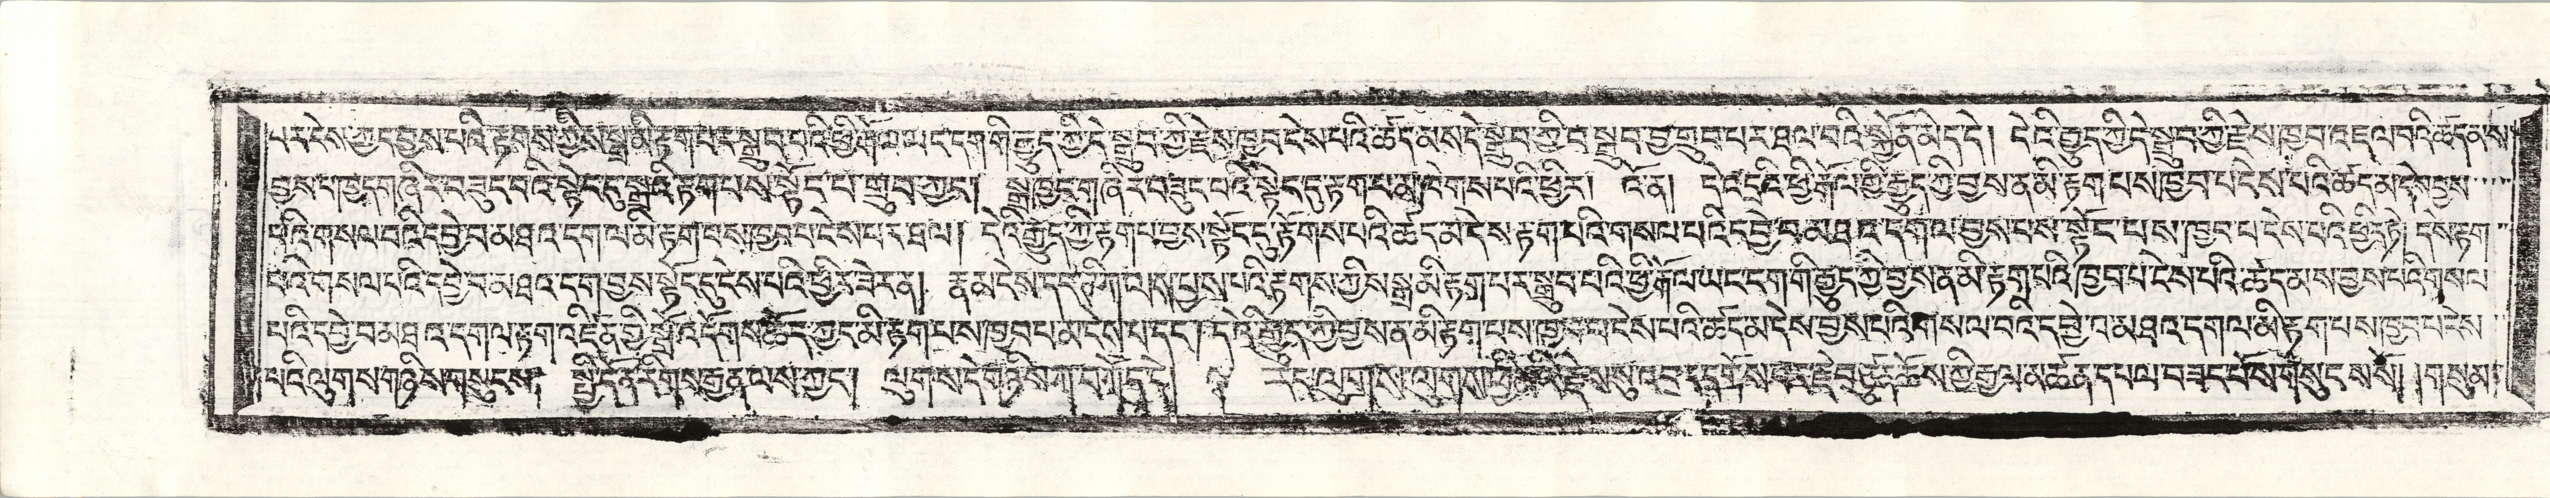བར་ངེས་ཀྱང་བྱས་པའི་རྟགས་ཀྱིས་སྒྲ་མི་རྟག་པར་སྒྲུབ་པའི་ཕྱི་རྒོལ་ཡང་དག་གི་རྒྱུད་ཀྱི་དེ་སྒྲུབ་ཀྱི་རྗེས་ཁྱབ་ངེས་པའི་ཚད་མས་དེ་སྒྲུབ་ཀྱི་བསྒྲུབ་བྱ་གྲུབ་པར་ཐལ་བའི་སྐྱོན་མེད་དེ། དེའི་རྒྱུད་ཀྱི་དེ་སྒྲུབ་ཀྱི་རྗེས་ཁྱབ་འཇལ་བའི་ཚད་མས་
བྱས་པ་ཁྱད་གཞིར་བཟུང་བའི་སྟེང་དུ་སྒྲའི་རྟག་པས་སྟོང་པ་གྲུབ་ཀྱང་། སྒྲ་ཁྱད་གཞིར་བཟུང་བའི་སྟེང་དུ་རྟག་པ་མ་ཁེགས་པའི་ཕྱིར། འོ་ན། དེ་འདྲའི་ཕྱི་རྒོལ་གྱི་རྒྱུད་ཀྱི་བྱས་ན་མི་རྟག་པས་ཁྱབ་པ་ངེས་པའི་ཚད་མ་དེས་བྱས་
པའི་གསལ་བའི་དབྱེ་བ་མཐའ་དག་ལ་མི་རྟག་པས་ཁྱབ་པ་ངེས་པར་ཐལ། དེའི་རྒྱུད་ཀྱི་རྟག་པ་བྱས་སྟོང་དུ་རྟོགས་པའི་ཚད་མ་དེས་རྟག་པའི་གསལ་བའི་དབྱེ་བ་མཐའ་དག་ལ་བྱས་པས་སྟོང་བས་ཁྱབ་པ་ངེས་པའི་ཕྱིར་ཏེ། དེས་རྟག་
པའི་གསལ་བའི་དབྱེ་བ་མཐའ་དག་བྱས་སྟོང་དུ་ངེས་པའི་ཕྱིར་ཟེར་ན། རྣམ་ངེས་དར་ཊིཀ་ལས་བྱས་པའི་རྟགས་ཀྱིས་སྒྲ་མི་རྟག་པར་སྒྲུབ་པའི་ཕྱི་རྒོལ་ཡང་དག་གི་རྒྱུད་ཀྱི་བྱས་ན་མི་རྟག་པའི་ཁྱབ་པ་ངེས་པའི་ཚད་མས་བྱས་པའི་གསལ་
བའི་དབྱེ་བ་མཐའ་དག་ལ་རྟག་འཛིན་གྱི་སྒྲོ་འདོགས་ཆོད་ཀྱང་མི་རྟག་པས་ཁྱབ་པ་མ་ངེས་པ་དང་། དེའི་རྒྱུད་ཀྱི་བྱས་ན་མི་རྟག་པས་ཁྱབ་པ་ངེས་པའི་ཚད་མ་དེས་བྱས་པའི་གསལ་བའི་དབྱེ་བ་མཐའ་དག་ལ་མི་རྟག་པས་ཁྱབ་པ་ངེས་
པའི་ལུགས་གཉིས་གསུངས། སྤྱི་དོན་རིགས་རྒྱན་ལས་ཀྱང་། ལུགས་དེ་གཉིས་ཀ་བཀོད་དེ། རང་ལུགས་ལུགས་ཕྱི་མའི་རྗེས་སུ་འབྲང་དགོས་པར་རྗེ་བཙུན་ཆོས་ཀྱི་རྒྱལ་མཚན་དཔལ་བཟང་པོས་གསུངས་སོ། །གསུམ་